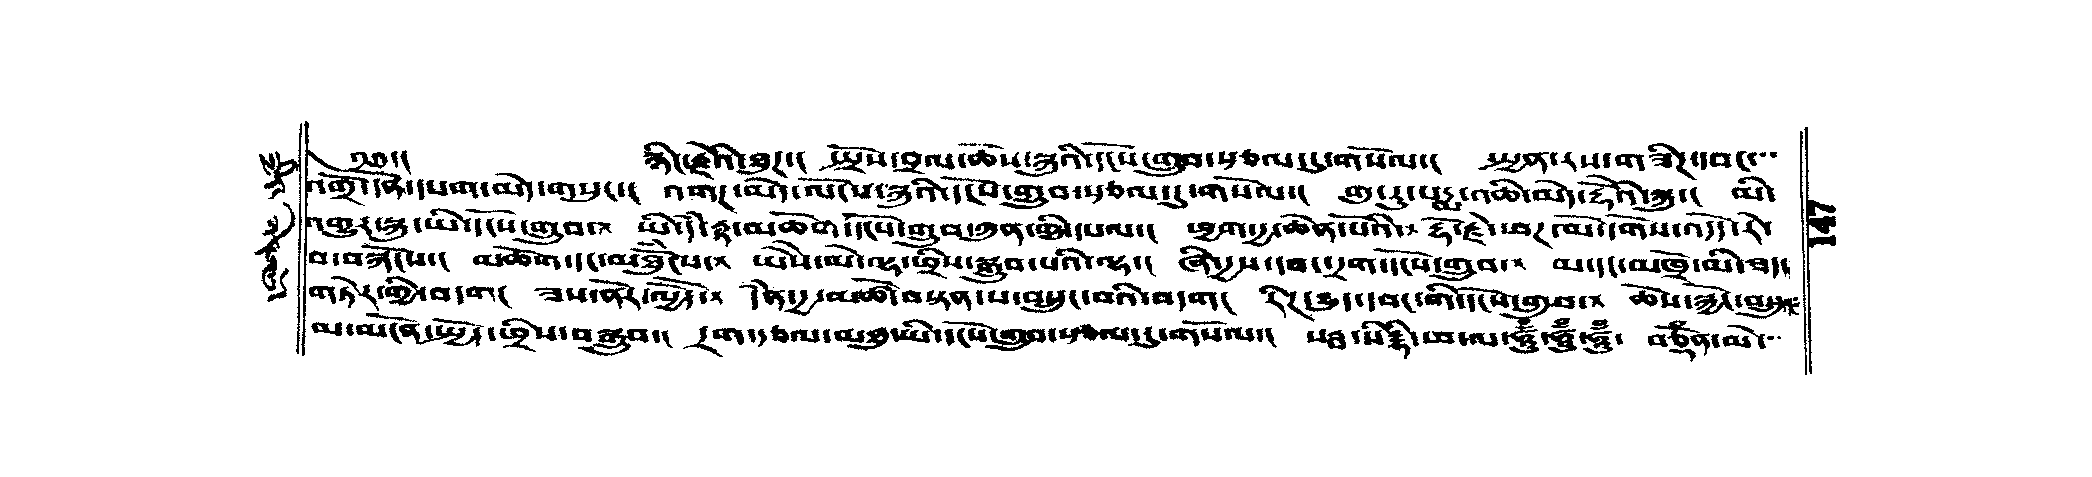སྙིང་རྗེའི་ཐུགས། །སྤྲོས་བྲལ་ཆོས་སྐུའི་དངོས་གྲུབ་སྩལ་དུ་གསོལ། །སྤྱན་རས་གཟིགས་དབང་
འགྲོ་དོན་དཔག་མེད་གསུང་། །འགགས་མེད་ལོངས་སྐུའི་དངོས་གྲུབ་སྩལ་དུ་གསོལ། །གུ་རུ་པདྨ་འཆི་མེད་རྡོ་རྗེའི་སྐུ། །མི་
འགྱུར་སྐུ་ཡི་དངོས་གྲུབ་༴ ཡི་དམ་རྟ་མཆོག་དངོས་གྲུབ་ཀུན་གྱི་དཔལ། །ཕྱག་ན་ཆེན་པོའི་༴ རྡོ་རྗེ་ཕག་མོ་དགོས་འདོད་རེ་
བ་བསྐོངས། ། མཆོག་དང་ཐུན་མོངས་༴ ཡེ་ཤེས་མེ་ལྷ་ཕྲིན་ལས་སྒྲུབ་པའི་ལྷ། །ཞི་རྒྱས་དབང་དྲག་དངོས་གྲུབ་༴མ་དང་མཁའ་འགྲོ་མི་ཟད་
གཏེར་གྱི་བདག་།ཟས་ནོར་ལོངས་སྤྱོད་༴ དམ་ཅན་རྒྱ་མཚོ་བསྟན་པ་བསྲུང་བའི་བདག་། རིགས་རྒྱུད་དབང་གི་དངོས་གྲུབ་༴ ཆོས་སྐྱོང་བསྲུང་
མ་མངོན་སྤྱོད་ཕྲིན་ལས་བསྒྲུབ། །དྲག་རྩལ་མཐུ་ཡི་དངོས་གྲུབ་སྩལ་དུ་གསོལ། །སརྦ་སིདྡྷི་ཕ་ལ་ཧཱུྃ་ཧཱུྃ་ཧཱུྃ། བཅོམ་ལྡན་མེ་